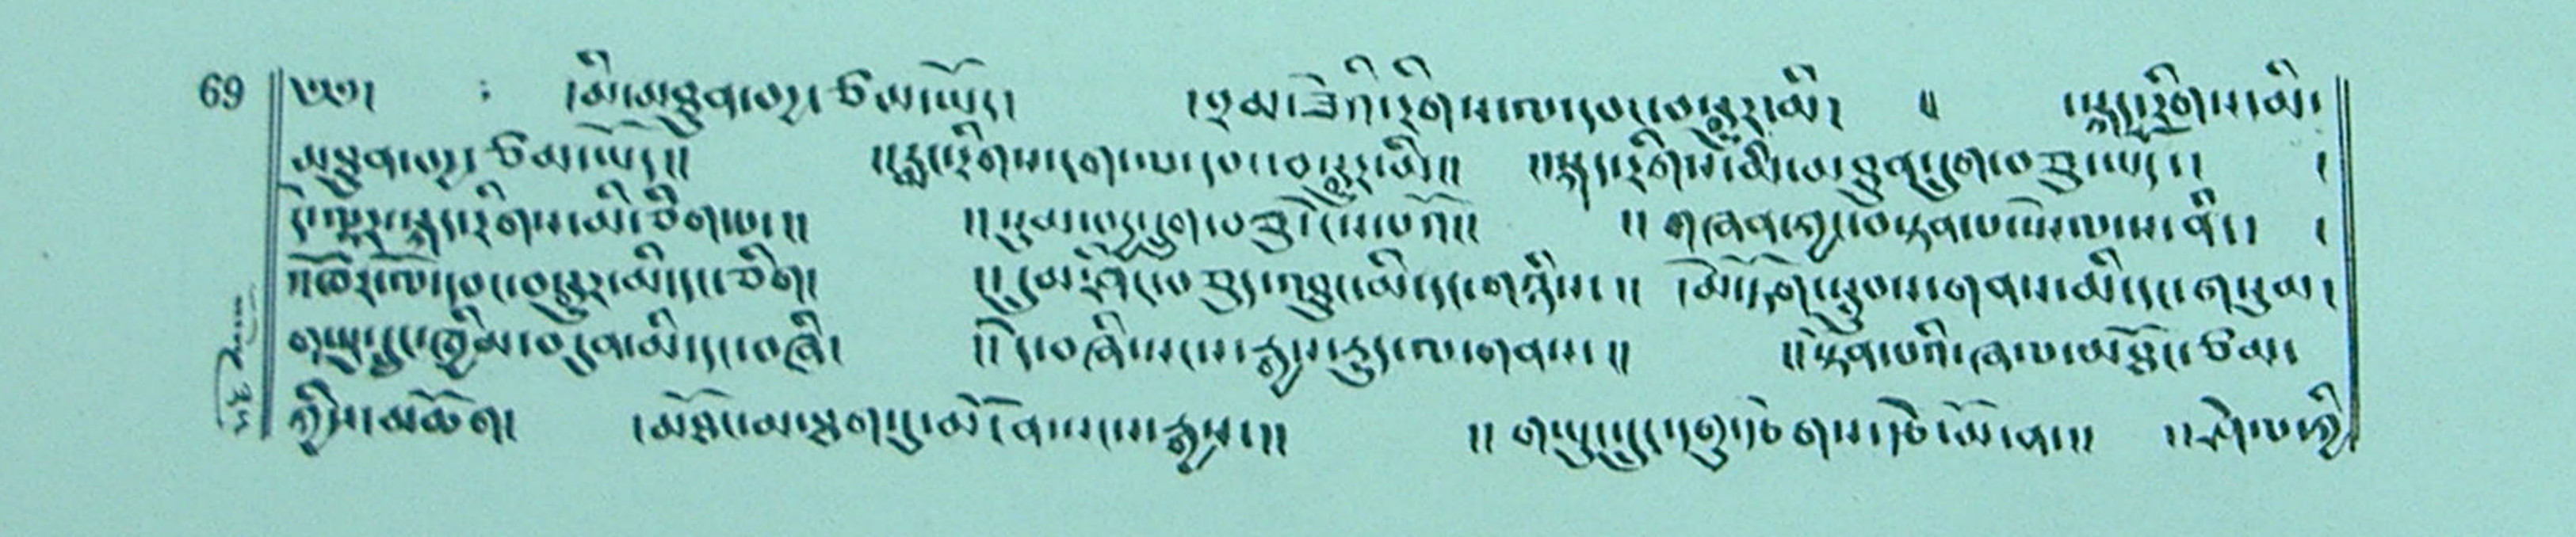༄༅། །མི་མཐུན་བརྒྱ་ཙམ་ཡོད། བྲམ་ཟེའི་རིགས་ལ་དབང་བསྒྱུར་མི། སྐད་རིགས་མི་
མཐུན་བརྒྱ་ཙམ་ཡོད། རྨང་རིགས་དག་ལ་དབང་བསྒྱུར་མི། སྐད་རིགས་མི་མཐུན་དྲུག་བཅུ་ཡོད། 
དེ་ལྟར་སྐད་རིགས་མི་ཅིག་པ། སུམ་བརྒྱ་དྲུག་བཅུ་ངེས་པའོ། །གཞན་ཡང་བསྟན་པ་སྤེལ་ས་ནི། 
འཁོར་ལོས་དབང་བསྒྱུར་མི་དང་གཅིག དྲུམ་ཤིང་བཅུད་འཐུང་མི་དང་གཉིས། མེ་ཏོག་སྦུབས་གནས་མི་དང་གསུམ། 
གཡུང་དྲུང་ཁྱིམ་བདུན་མི་དང་བཞི། དེ་བཞི་སངས་རྒྱས་རྒྱུད་ལ་གནས། སྟོན་པའི་ཞལ་མཐོང་ཙམ་
གྱིས་མཆོག། མཐོང་མ་ཐག་ཏུ་མངོན་སངས་རྒྱས། གཡུང་དྲུང་དགུ་བརྩེགས་རྩེ་མོ་ན། ཤེལ་གྱི་